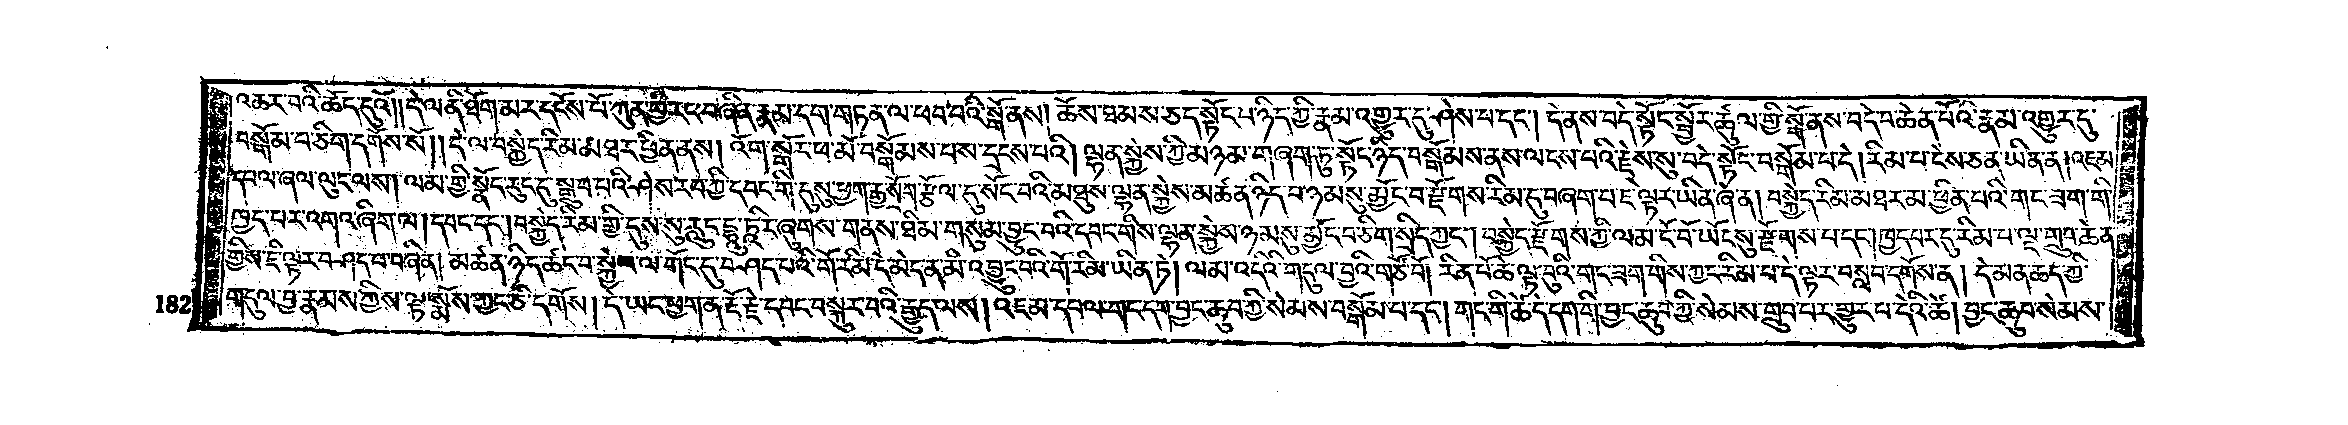འཆར་བའི་ཆེད་དུའོ། །དེ་ལ་ནི་ཐོག་མར་དངོས་པོ་ཀུན་གྱི་རང་བཞིན་རྣམ་དག་གཏན་ལ་ཕབ་པའི་སྒོ་ནས། ཆོས་ཐམས་ཅད་སྟོང་པ་ཉིད་ཀྱི་རྣམ་འགྱུར་དུ་ཤེས་པ་དང་། དེ་ནས་བདེ་སྟོང་སྦྱོར་ཚུལ་གྱི་སྒོ་ནས་བདེ་བ་ཆེན་པོའི་རྣམ་འགྱུར་དུ་
བསྒོམ་པ་ཅིག་དགོས་སོ། །དེ་ལ་བསྐྱེད་རིམ་མཐར་ཕྱིན་ནས། འོག་སྒོར་ཕྲ་མོ་བསྒོམས་པས་དྲངས་པའི། ལྷན་སྐྱེས་ཀྱི་མཉམ་གཞག་ཏུ་སྟོང་ཉིད་བསྒོམས་ནས་ལངས་པའི་རྗེས་སུ་བདེ་སྟོང་བསྒོམ་པ་དེ། རིམ་པ་ངེས་ཅན་ཡིན་ན། འཇམ་
དཔལ་ཞལ་ལུང་ལས། ལམ་གྱི་སྣོད་རུང་དུ་སྒྲུབ་པའི་ཤེས་རབ་ཀྱི་དབང་གི་དུས་སུ་ཕྱག་རྒྱ་སྲོག་རྩོལ་དུ་སོང་བའི་མཐུས་ལྷན་སྐྱེས་མཚན་ཉིད་པ་ཉམས་སུ་མྱོང་བ་རྫོགས་རིམ་དུ་བཞག་པ་ཇི་ལྟར་ཡིན་ཞེ་ན། བསྐྱེད་རིམ་མཐར་མ་ཕྱིན་པའི་གང་ཟག་གི་
ཁྱད་པར་འགའ་ཞིག་ལ། དབང་དང་། བསྐྱེད་རིམ་གྱི་དུས་སུ་རླུང་དྷཱུ་ཏཱིར་ཞུགས་གནས་ཐིམ་གསུམ་བྱུང་བའི་དབང་གིས་ལྷན་སྐྱེས་ཉམས་སུ་མྱོང་བ་ཅིག་སྲིད་ཀྱང་། བསྐྱེད་རྫོགས་ཀྱི་ལམ་ངོ་བོ་ཡོངས་སུ་རྫོགས་པ་དང་། ཁྱད་པར་དུ་རིམ་པ་ལྔ་གྲུབ་ཆེན་
གྱིས་ཇི་ལྟར་བཤད་པ་བཞིན། མཚན་ཉིད་ཚང་བ་སྐྱེ་བ་ལ་གོང་དུ་བཤད་པའི་གོ་རིམ་དེ་མེད་ན་མི་འབྱུང་བའི་གོ་རིམ་ཡིན་ཏེ། ལམ་འདིའི་གདུལ་བྱའི་གཙོ་བོ། རིན་པོ་ཆེ་ལྟ་བུའི་གང་ཟག་གིས་ཀྱང་རིམ་པ་དེ་ལྟར་བསླབ་དགོས་ན། དེ་མན་ཆད་ཀྱི་
གདུལ་བྱ་རྣམས་ཀྱིས་ལྟ་སྨོས་ཀྱང་ཅི་དགོས་།དེ་ཡང་ཕྱག་ན་རྡོ་རྗེ་དབང་བསྐུར་བའི་རྒྱུད་ལས། འཇམ་དཔལ་གང་དག་བྱང་ཆུབ་ཀྱི་སེམས་བསྒོམ་པ་དང་། གང་གི་ཚེ་དེ་དག་གི་བྱང་ཆུབ་ཀྱི་སེམས་གྲུབ་པར་གྱུར་པ་དེའི་ཚེ། བྱང་ཆུབ་སེམས་